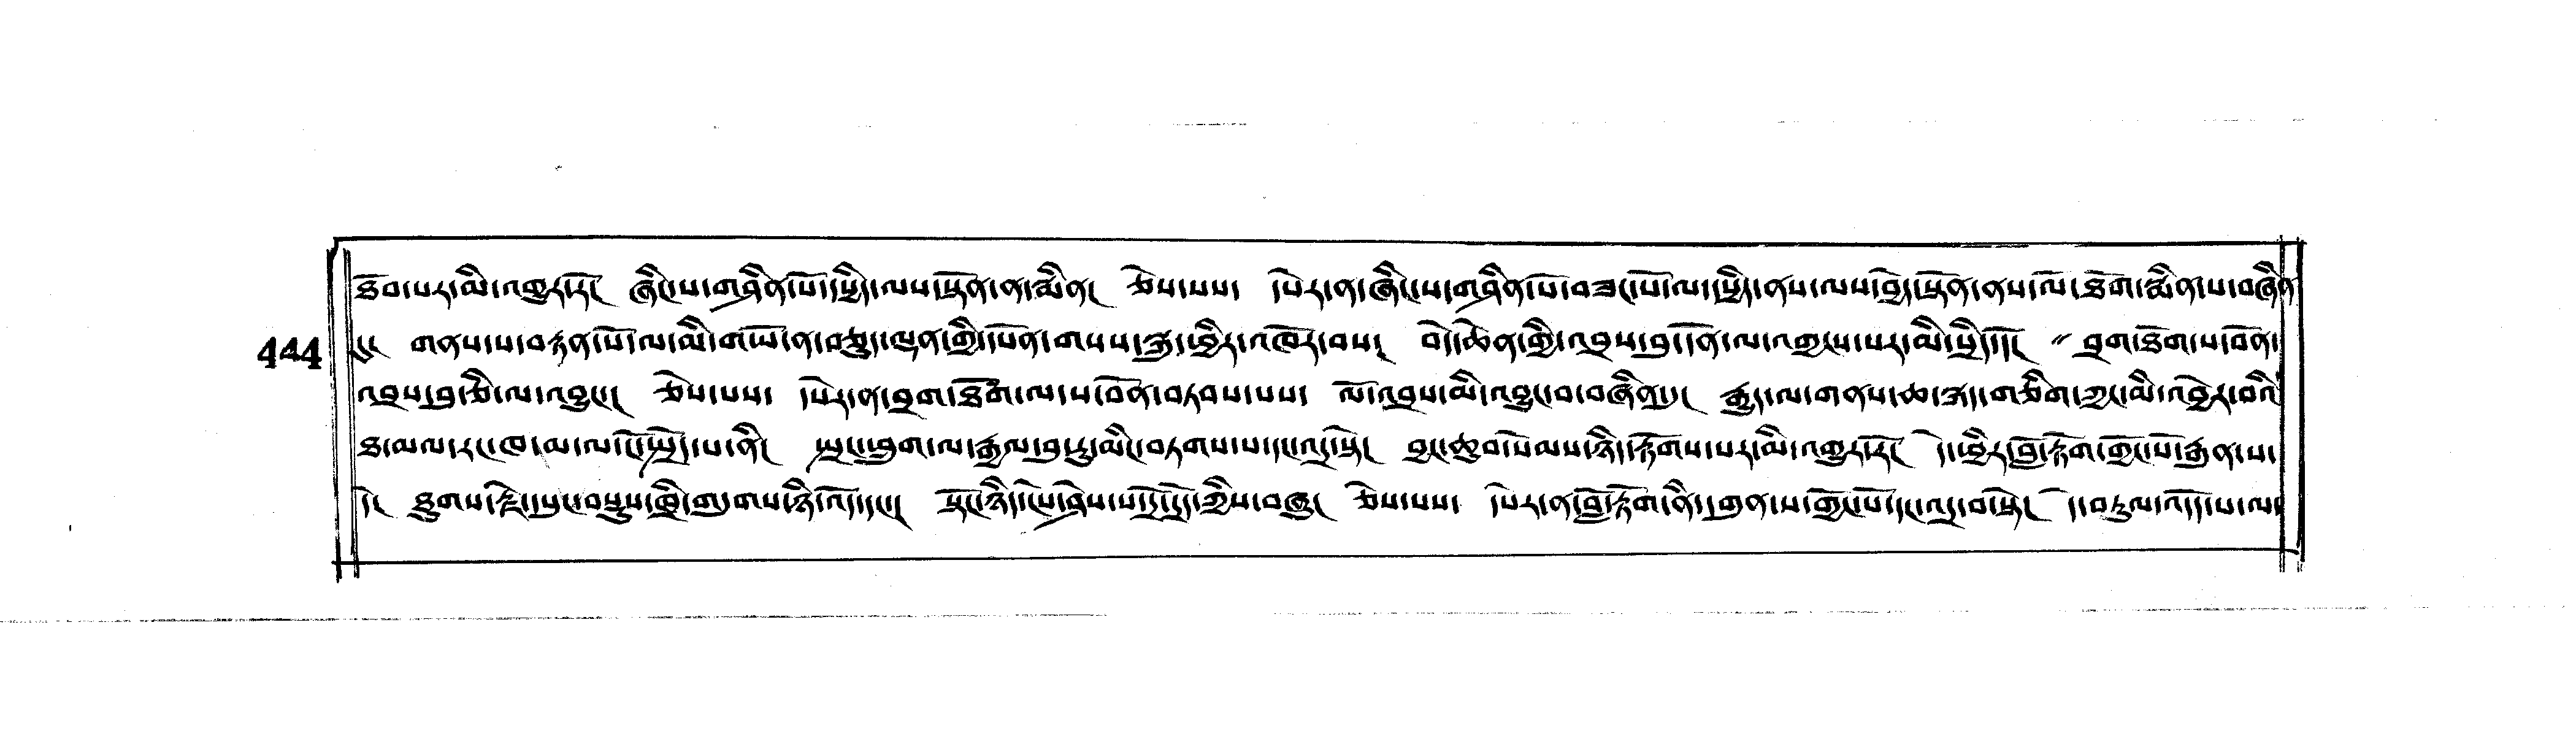ཐོབ་པར་མི་འགྱུར་རོ། ཞིང་ས་གཤིན་པོ་དཔྱིད་ལས་སྟོན་ན་སྨིན། ཅེས་པས། དཔེར་ན་ཞིང་ས་གཤིན་པོ་བཟང་པོ་ལ་དཔྱིད་ནས་ལས་བྱེད་སྟོན་ནས་ལོ་ཏོག་སྨིན་པ་བཞིན་
དུ། གནས་པ་བརྟན་པོ་ལ་མི་གཡོ་ན་བཅུད་ལྡན་གྱི་དཔོན་གསས་སྐུ་ཕྱིར་འཁོར་བས། བདེ་ཆེན་གྱི་འབྲས་བུ་དོན་ལ་འགྱངས་པར་མི་སྲིད་དོ། བྲག་ཐོག་ས་བོན་
འབྲས་བུ་ཅི་ལ་འབྱུང་། ཅེས་པས། དཔེར་ན་བྲག་ཐོག་ལ་ས་བོན་བཏབ་པས། ལོ་འབྲས་མི་འབྱུང་བ་བཞིན་དུ། རྒྱུད་ལ་གནས་ཆ་སྐད་ཅིག་ཀྱང་མི་འབྱེར་བའི་
ཐ་མལ་རང་ཁ་མ་ལ་ངོ་སྤྲོད་པ་ནི། སྤྲང་ཕྲུག་ལ་རྒྱལ་བུ་རུ་མིང་བཏགས་པ་དང་འདྲ་སྟེ། བྱང་ཆུབ་སེམས་ཉིད་རྟོགས་པར་མི་འགྱུར་རོ། དེ་ཕྱིར་བློ་རྟོག་གྱོང་པོ་རྒུན་ས་
དེ། ཐུགས་རྗེ་དཔུང་བསྡུས་ཁྲི་གདུག་ཉི་འོད་དང་། སྟོང་ཉིད་ངེས་ཤེས་ས་དྲོ་དྲོད་ཀྱིས་བཞུ། ཅེས་པས། དཔེར་ན། བློ་རྟོག་ནི་དགུན་ས་གྱོང་པོ་དང་འདྲ་བ་སྟེ། དེ་བཏུལ་འདོད་པ་ལ་